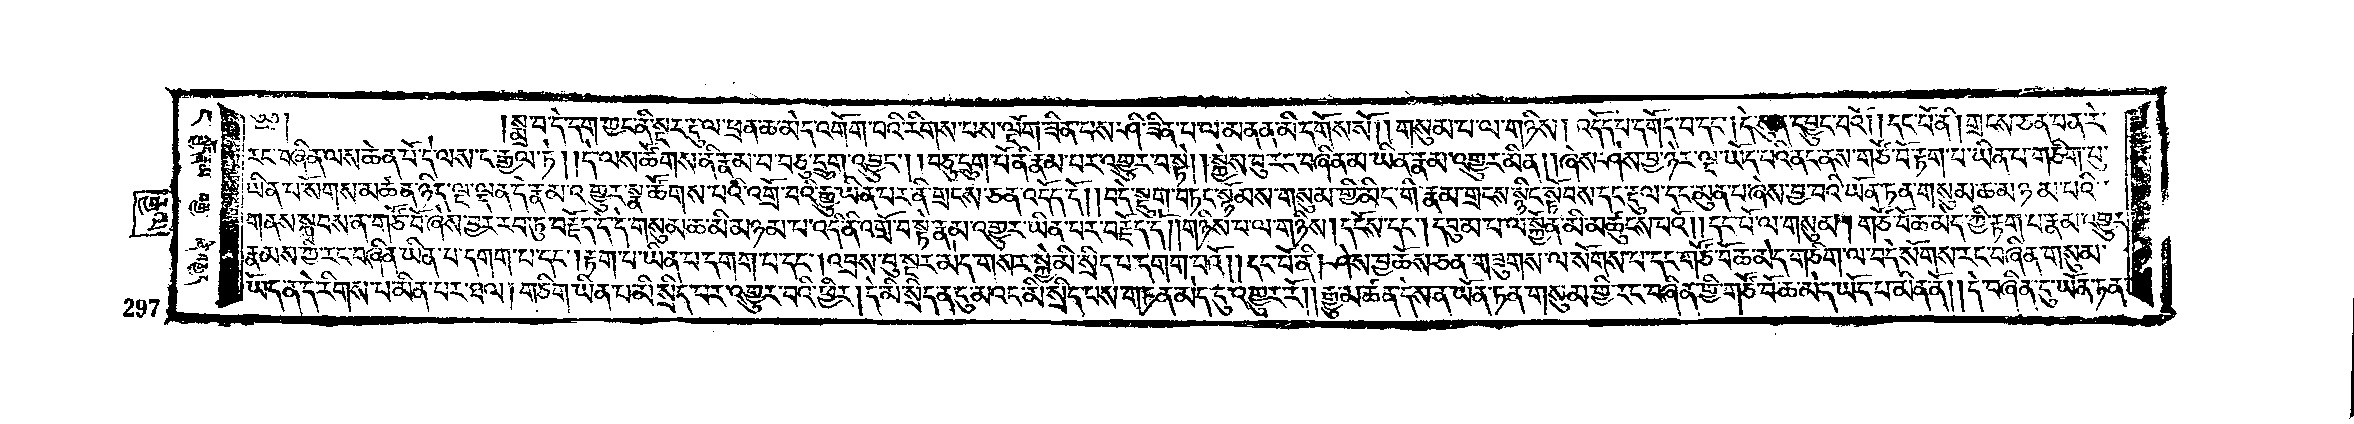༄༅། །སྨྲ་བ་དེ་དག་ཀྱང་ནི་སྔར་རྡུལ་ཕྲན་ཆ་མེད་འགོག་པའི་རིགས་པས་ལྡོག་ཟིན་པས་ཤི་ཟིན་པ་ལ་མནན་མི་དགོས་སོ། །གསུམ་པ་ལ་གཉིས། འདོད་པ་དགོད་པ་དང་། དེ་སུན་དབྱུང་བའོ། །དང་པོ་ནི། གྲངས་ཅན་པ་ན་རེ་
རང་བཞིན་ལས་ཆེན་པོ་དེ་ལས་ངར་རྒྱལ་ཏེ། །དེ་ལས་ཚོགས་ནི་རྣམ། པ་བཅུ་དྲུག་འབྱུང་། །བཅུ་དྲུག་པོ་ནི་རྣམ་པར་འགྱུར་བ་སྟེ། །སྐྱེས་བུ་རང་བཞིན་མ་ཡིན་རྣམ་འགྱུར་མིན། །ཞེས་ཤེས་བྱ་ཉེར་ལྔ་ཡོད་པའི་ནང་ནས་གཙོ་བོ་རྟག་པ་ཡིན་པ་གཅིག་པུ་
ཡིན་པ་སོགས་མཚན་ཉིད་ལྔ་ལྡན་དེ་རྣམ་འགྱུར་སྣ་ཚོགས་པའི་འགྲོ་བའི་རྒྱུ་ཡིན་པར་ནི་གྲངས་ཅན་འདོད་དོ། །བདེ་སྡུག་བཏང་སྙོམས་གསུམ་གྱི་མིང་གི་རྣམ་གྲངས་སྙིང་སྟོབས་དང་རྡུལ་དང་མུན་པ་ཞེས་བྱ་བའི་ཡོན་ཏན་གསུམ་ཆ་མཉམ་པའི་
གནས་སྐབས་ན་གཙོ་བོ་ཞེས་བྱར་རབ་ཏུ་བརྗོད་དེ་དེ་གསུམ་ཆ་མི་མཉམ་པ་འདི་ནི་འགྲོ་བ་སྟེ་རྣམ་འགྱུར་ཡིན་པར་བརྗོད་དོ། །གཉིས་པ་ལ་གཉིས། དངོས་དང་། དབུ་མ་པ་ལ་སྐྱོན་མི་མཚུངས་པའོ། །དང་པོ་ལ་གསུམ། གཙོ་བོ་ཆ་མེད་ཀྱི་རྟག་པ་རྣམ་འགྱུར་
རྣམས་ཀྱི་རང་བཞིན་ཡིན་པ་དགག་པ་དང་། རྟག་པ་ཡིན་པ་དགག་པ་དང་། འབྲས་བུ་སྔར་མེད་གསར་སྐྱེ་མི་སྲིད་པ་དགག་པའོ། །དང་པོ་ནི། ཤེས་བྱ་ཆོས་ཅན་གཟུགས་ལ་སོགས་པ་དང་གཙོ་བོ་ཆ་མེད་གཅིག་ལ་བདེ་སོགས་རང་བཞིན་གསུམ་
ཡོད་ན་དེ་རིགས་པ་མིན་པར་ཐལ། གཅིག་ཡིན་པ་མི་སྲིད་པར་འགྱུར་བའི་ཕྱིར། དེ་མི་སྲིད་ན་དུ་མའང་མི་སྲིད་པས་གཏན་མེད་དུ་འགྱུར་རོ། །རྒྱུ་མཚན་དེས་ན་ཡོན་ཏན་གསུམ་གྱི་རང་བཞིན་གྱི་གཙོ་བོ་ཆ་མེད་ཡོད་པ་མིན་ནོ། །དེ་བཞིན་དུ་ཡོན་ཏན་